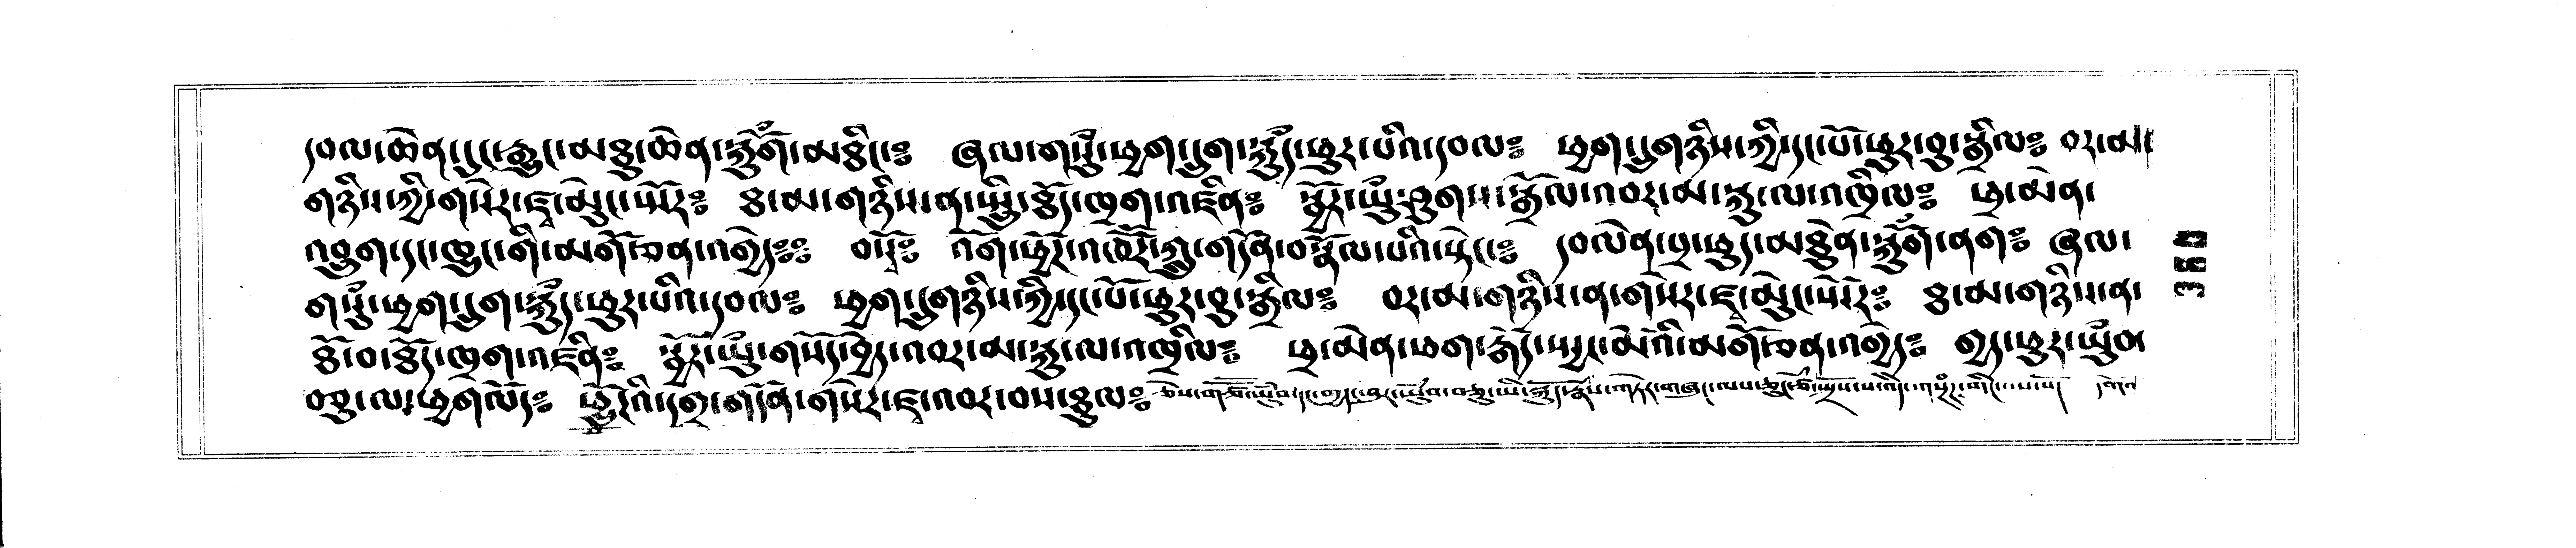དབལ་ཆེན་དུང་རྒྱུང་མཐུ་ཆེན་སྐུ་མདོག་མཐིང་༔ ཞལ་གསུམ་ཕྱག་དྲུག་སྐུ་སྨད་ཕུར་པའི་དབལ༔ ཕྱག་དྲུག་གཉིས་ཀྱི་དང་པོ་ཕུར་བུ་སྒྲིལ༔ བར་མ་
གཉིས་ཀྱིས་གསེར་ཛྭ་མེ་དཔུང་སྤར༔ ཐ་མ་གཉིས་ན་སྤུ་གྲི་ཐོད་ཁྲག་འཛིན༔ སྦྱོར་ཡུམ་ཤུགས་སྒྲོལ་འབར་མ་སྐུ་ལ་འཁྲིལ༔ ཕྲ་མེན་
འབྲུག་དང་ཁྱུང་གི་མགོ་ཅན་འགྱེད༔༔ བསྭོ༔ འོག་ཕྱོགས་འཁོར་ལོ་ཀླུ་གདོན་བསྣོལ་བའི་སྟེང་༔ དབལ་ཆེན་པྲ་ཕུད་མཐུ་ཆེན་སྐུ་མདོག་ནག༔ ཞལ་
གསུམ་ཕྱག་དྲུག་སྐུ་སྨད་ཕུར་པའི་དབལ༔ ཕྱག་དྲུག་གཉིས་ཀྱི་དང་པོ་ཕུར་བུ་སྒྲིལ༔ བར་མ་གཉིས་ན་གསེར་ཛྭ་མེ་དཔུང་སྤར༔ ཐ་མ་གཉིས་ན་
ཐོད་པ་ཐོད་ཁྲག་འཛིན༔ སྦྱོར་ཡུམ་གསོད་བྱེད་འབར་མ་སྐུ་ལ་འཁྲིལ༔ ཕྲ་མེན་ཕག་རྒོད་སྤྱང་མོའི་མགོ་ཅན་འགྱེད༔ གྱད་ཕུར་ཡབ་ཡུམ་བ
ཅུ་ལ་ཕྱག་འཚལ་ལོ༔ ཕྱོགས་བཅུའི་དགྲ་གདོན་གསེར་ཛྭ་འབར་བས་ཐུལ༔ ཅེས་གཙོ་བོ་ཡབ་ཡུམ་དང་གྱད་ཕུར་ཡབ་ཡུམ་
__བཅུ་ཡི་སྐུད་རྣམས་གཏོར་གཞུང་ལས་ཅུང་ཙམ་སྤྲོས་པ་འདི་གསང་སྔགས་གླིང་པས་སོ། དགེའོ།